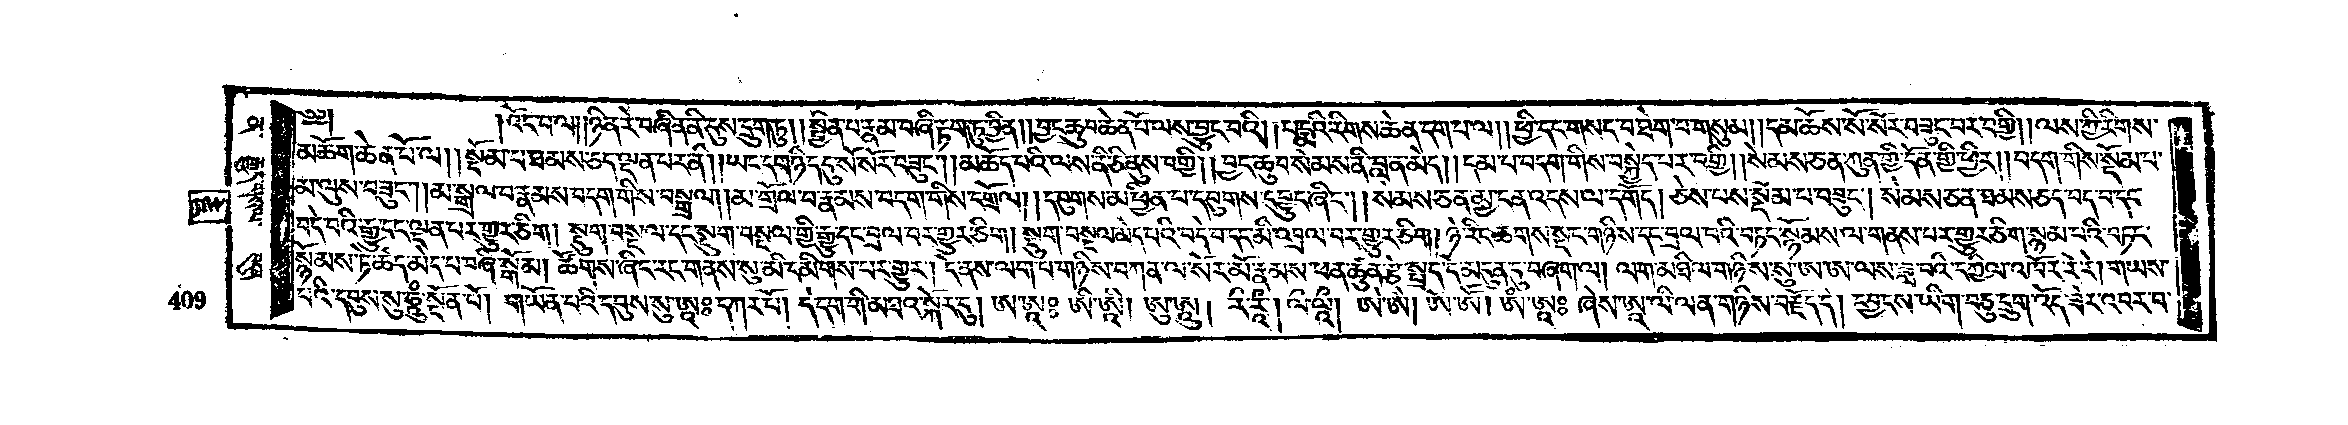༄༅། །འོང་བ་ལ། །ཉིན་རེ་བཞིན་ནི་དུས་དྲུག་ཏུ། །སྦྱིན་པ་རྣམ་བཞི་རྟག་ཏུ་བྱིན། །བྱང་ཆུབ་ཆེན་པོ་ལས་བྱུང་བའི། །པདམའི་རིགས་ཆེན་དག་པ་ལ། །ཕྱི་དང་གསང་བ་ཐེག་པ་གསུམ། །དམ་ཆོས་སོ་སོར་བཟུང་བར་བགྱི། །ལས་ཀྱི་རིགས་
མཆོག་ཆེན་པོ་ལ། །སྡོམ་པ་ཐམས་ཅད་ལྡན་པར་ནི། །ཡང་དག་ཉིད་དུ་སོ་སོར་བཟུང་། །མཆོད་པའི་ལས་ནི་ཅི་ནུས་བགྱི། །བྱང་ཆུབ་སེམས་ནི་བླ་ན་མེད། །དམ་པ་བདག་གིས་བསྐྱེད་པར་བགྱི། །སེམས་ཅན་ཀུན་གྱི་དོན་གྱི་ཕྱིར། །བདག་གིས་སྡོམ་པ་
མ་ལུས་བཟུང་། །མ་སྒྲལ་བ་རྣམས་བདག་གིས་བསྒྲལ། །མ་གྲོལ་བ་རྣམས་བདག་གིས་དགྲོལ། །དབུགས་མ་ཕྱིན་པ་དབུགས་དབྱུང་ཞིང་། །སེམས་ཅན་མྱ་ངན་འདས་ལ་དགོད། ཅེས་པས་སྡོམ་པ་བཟུང་། སེམས་ཅན་ཐམས་ཅད་བདེ་བ་དང་
བདེ་བའི་རྒྱུ་དང་ལྡན་པར་གྱུར་ཅིག །སྡུག་བསྔལ་དང་སྡུག་བསྔལ་གྱི་རྒྱུ་དང་བྲལ་བར་གྱུར་ཅིག །སྡུག་བསྔལ་མེད་པའི་བདེ་བ་དང་མི་འབྲལ་བར་གྱུར་ཅིག །ཉེ་རིང་ཆགས་སྡང་གཉིས་དང་བྲལ་བའི་བཏང་སྙོམས་ལ་གནས་པར་གྱུར་ཅིག་སྙམ་པའི་བཏང་
སྙོམས་ཏེ་ཚད་མེད་པ་བཞི་སྒོམ། ཚོགས་ཞིང་རང་གནས་སུ་མི་དམིགས་པར་གྱུར། དེ་ནས་ལག་པ་གཉིས་བཀན་ལ་སོར་མོ་རྣམས་ཕན་ཚུན་རྩེ་སྤྲད་དེ་མདུན་དུ་བཞག་ལ། ལག་མཐིལ་གཉིས་སུ་ཨ་ཨ་ལས་ཟླ་བའི་དཀྱིལ་འཁོར་རེ་རེ། གཡས་
པའི་དབུས་སུ་ཧཱུཾ་སྔོན་པོ། གཡོན་པའི་དབུས་སུ་ཨཱཿ དཀར་པོ། དེ་དག་གི་མཐའ་སྐོར་དུ། ཨ་ཨཱཿ ཨི་ཨཱི། ཨུ་ཨཱུ། རྀ་རཱྀ། ལྀ་ལཱྀ། ཨེ་ཨཻ། ཨོ་ཨཽ། ཨཾ་ཨཱཿ ཞེས་ཨཱ་ལི་ལན་གཉིས་བརྗོད་དེ། དབྱངས་ཡིག་བཅུ་དྲུག་འོད་ཟེར་འབར་བ་